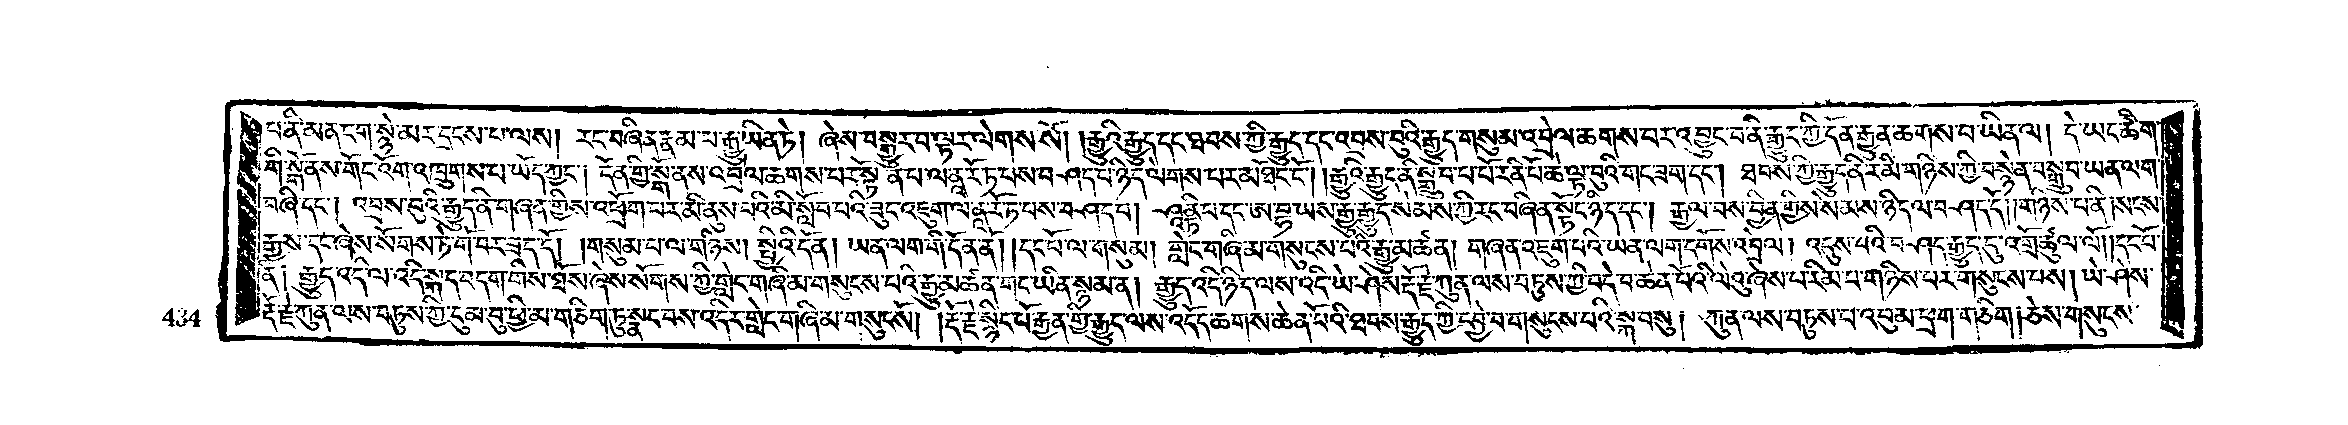པ་ནི་མན་ངག་སྙེ་མར་དྲངས་པ་ལས། རང་བཞིན་རྣམ་པ་རྒྱུ་ཡིན་ཏེ། ཞེས་བསྒྱུར་བ་ལྟར་ལེགས་སོ། །རྒྱུའི་རྒྱུད་དང་ཐབས་ཀྱི་རྒྱུད་དང་འབྲས་བུའི་རྒྱུད་གསུམ་འབྲེལ་ཆགས་པར་འབྱུང་བ་ནི་རྒྱུད་ཀྱི་དོན་རྒྱུན་ཆགས་པ་ཡིན་ལ། དེ་ཡང་ཚིག་
གི་སྒོ་ནས་གོང་འོག་འཁྲུགས་པ་ཡོད་ཀྱང་། དོན་གྱི་སྒོ་ནས་འབྲེལ་ཆགས་པར་སྟོན་པ་ལ་ནཱ་རོ་ཏ་པས་བཤད་པ་ཉིད་ལེགས་པར་མཐོང་ངོ། །རྒྱུའི་རྒྱུད་ནི་སྒྲུབ་པ་པོ་རིན་པོ་ཆེ་ལྟ་བུའི་གང་ཟག་དང་། ཐབས་ཀྱི་རྒྱུད་ནི་རིམ་གྱིས་ཀྱི་བསྙེན་བསྒྲུབ་ཡན་ལག་
བཞི་དང་། འབྲས་བུའི་རྒྱུད་ནི་གཞན་གྱིས་འཕྲོག་པར་མི་ནུས་པའི་མི་སློབ་པའི་ཟུང་འཇུག་ལ་ནཱ་རོ་ཏ་པས་བཤད་པ། ཤཱནྟི་པ་དང་ཨ་བྷ་ཡས་རྒྱུ་རྒྱུད་སེམས་ཀྱི་རང་བཞིན་སྟོང་ཉིད་དང་། རྒྱལ་བས་བྱིན་གྱིས་སེམས་ཉིད་ལ་བཤད་དོ། །གཉིས་པ་ནི། སངས་
རྒྱས་དང་ཞེས་སོགས་ཏེ་གོ་བར་ཟད་དོ། །གསུམ་པ་ལ་གཉིས། སྤྱིའི་དོན། ཡན་ལག་གི་དོན་ནོ། །དང་པོ་ལ་གསུམ། གླེང་གཞི་མ་གསུངས་པའི་རྒྱུ་མཚན། གཞན་འཇུག་པའི་ཡན་ལག་དགོས་འབྲེལ། འདུས་པའི་བཤད་རྒྱུད་དུ་འགྲོ་ཚུལ་ལོ། །དང་པོ་
ནི། རྒྱུད་འདི་ལ་འདི་སྐད་བདག་གིས་ཐོས་ཞེས་སོགས་ཀྱི་གླེང་གཞི་མ་གསུངས་པའི་རྒྱུ་མཚན་གང་ཡིན་སྙམ་ན། རྒྱུད་འདི་ཉིད་ལས་འདི་ཡེ་ཤེས་རྡོ་རྗེ་ཀུན་ལས་བཏུས་ཀྱི་བདེ་བ་ཆེན་པོའི་ལེའུ་ཞེས་པ་རིམ་པ་གཉིས་པར་གསུངས་པས། ཡེ་ཤེས་
རྡོ་རྗེ་ཀུན་ལས་བཏུས་ཀྱི་དུམ་བུ་ཕྱི་མ་གཅིག་ཏུ་སྣང་བས་འདིར་གླེང་གཞི་མ་གསུངས་སོ། །རྡོ་རྗེ་སྙིང་པོ་རྒྱན་གྱི་རྒྱུད་ལས་འདོད་ཆགས་ཆེན་པོའི་ཐབས་རྒྱུད་ཀྱི་དབྱེ་བ་གསུངས་པའི་སྐབས་སུ། ཀུན་ལས་བཏུས་པ་འབུམ་ཕྲག་གཅིག །ཅེས་གསུངས་